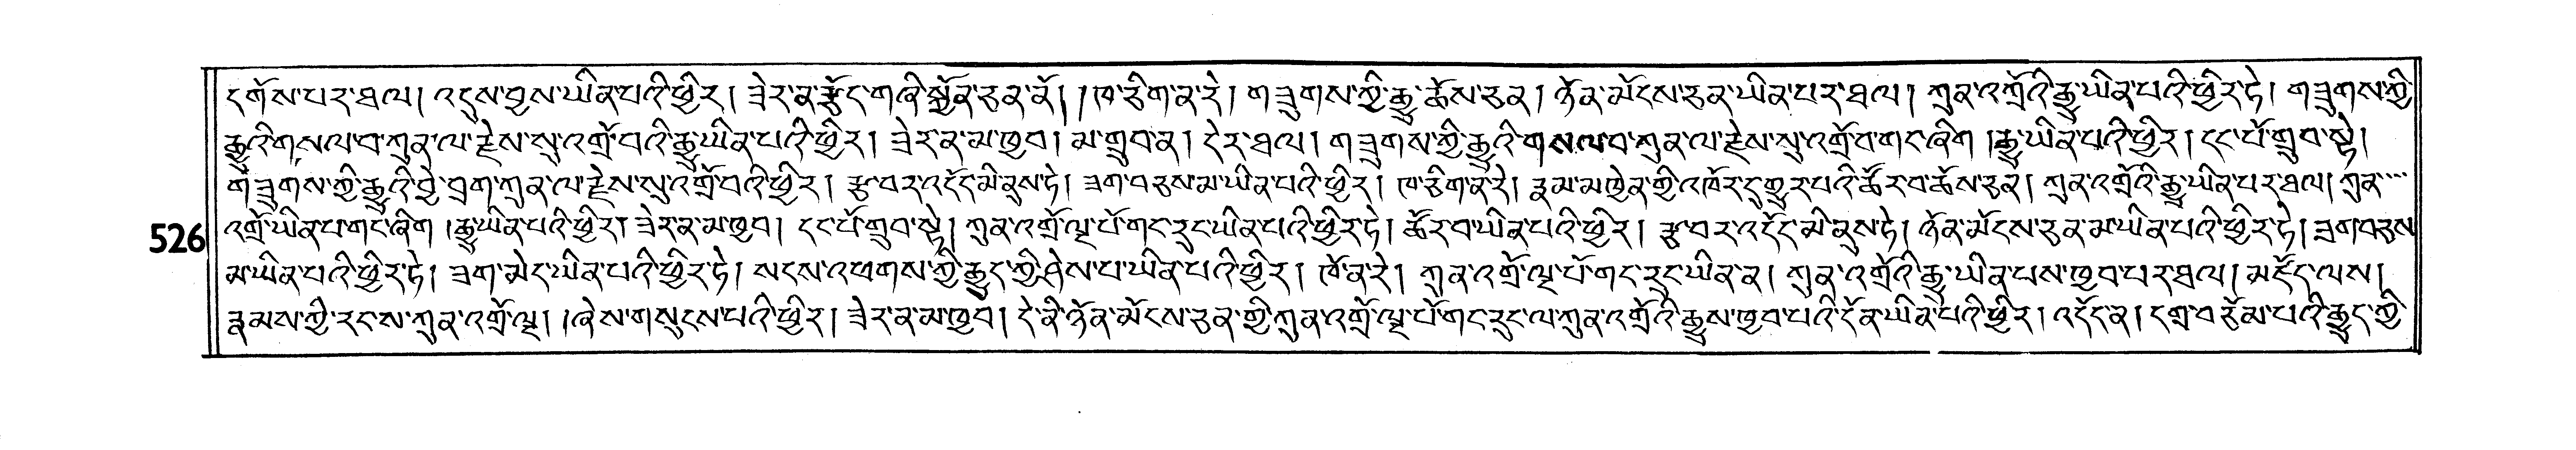དགོས་པར་ཐལ། འདུས་བྱས་ཡིན་པའི་ཕྱིར། ཟེར་ན་རྩོད་གཞི་སྐྱོན་ཅན་ནོ། །ཁ་ཅིག་ན་རེ། གཟུགས་ཀྱི་རྒྱུ་ཆོས་ཅན། ཉོན་མོངས་ཅན་ཡིན་པར་ཐལ། ཀུན་འགྲོའི་རྒྱུ་ཡིན་པའི་ཕྱིར་ཏེ། གཟུགས་ཀྱི་
རྒྱུའི་གསལ་བ་ཀུན་ལ་རྗེས་སུ་འགྲོ་བའི་རྒྱུ་ཡིན་པའི་ཕྱིར། ཟེར་ན་མ་ཁྱབ། མ་གྲུབ་ན། དེར་ཐལ། གཟུགས་ཀྱི་རྒྱུའི་གསལ་བ་ཀུན་ལ་རྗེས་སུ་འགྲོ་བ་གང་ཞིག །རྒྱུ་ཡིན་པའི་ཕྱིར། དང་པོ་གྲུབ་སྟེ།
གཟུགས་ཀྱི་རྒྱུའི་བྱེ་བྲག་ཀུན་ལ་རྗེས་སུ་འགྲོ་བའི་ཕྱིར། རྩ་བར་འདོད་མི་ནུས་ཏེ། ཟག་བཅས་མ་ཡིན་པའི་ཕྱིར། ཁ་ཅིག་ན་རེ། རྣམ་མཁྱེན་གྱི་འཁོར་དུ་གྱུར་པའི་ཚོར་བ་ཆོས་ཅན། ཀུན་འགྲོའི་རྒྱུ་ཡིན་པར་ཐལ། ཀུན་
འགྲོ་ཡིན་པ་གང་ཞིག །རྒྱུ་ཡིན་པའི་ཕྱིར། ཟེར་ན་མ་ཁྱབ། དང་པོ་གྲུབ་སྟེ། ཀུན་འགྲོ་ལྔ་པོ་གང་རུང་ཡིན་པའི་ཕྱིར་ཏེ། ཚོར་བ་ཡིན་པའི་ཕྱིར། རྩ་བར་འདོད་མི་ནུས་ཏེ། ཉོན་མོངས་ཅན་མ་ཡིན་པའི་ཕྱིར་ཏེ། ཟག་བཅས་
མ་ཡིན་པའི་ཕྱིར་ཏེ། ཟག་མེད་ཡིན་པའི་ཕྱིར་ཏེ། སངས་འཕགས་ཀྱི་རྒྱུད་ཀྱི་ཤེས་པ་ཡིན་པའི་ཕྱིར། ཁོ་ན་རེ། ཀུན་འགྲོ་ལྔ་པོ་གང་རུང་ཡིན་ན། ཀུན་འགྲོའི་རྒྱུ་ཡིན་པས་ཁྱབ་པར་ཐལ། མཛོད་ལས།
རྣམས་ཀྱི་རང་ས་ཀུན་འགྲོ་ལྔ། །ཞེས་གསུངས་པའི་ཕྱིར། ཟེར་ན་མ་ཁྱབ། དེ་ནི་ཉོན་མོངས་ཅན་གྱི་ཀུན་འགྲོ་ལྔ་པོ་གང་རུང་ལ་ཀུན་འགྲོའི་རྒྱུས་ཁྱབ་པའི་དོན་ཡིན་པའི་ཕྱིར། འདོད་ན། དགྲ་བཅོམ་པའི་རྒྱུད་ཀྱི་